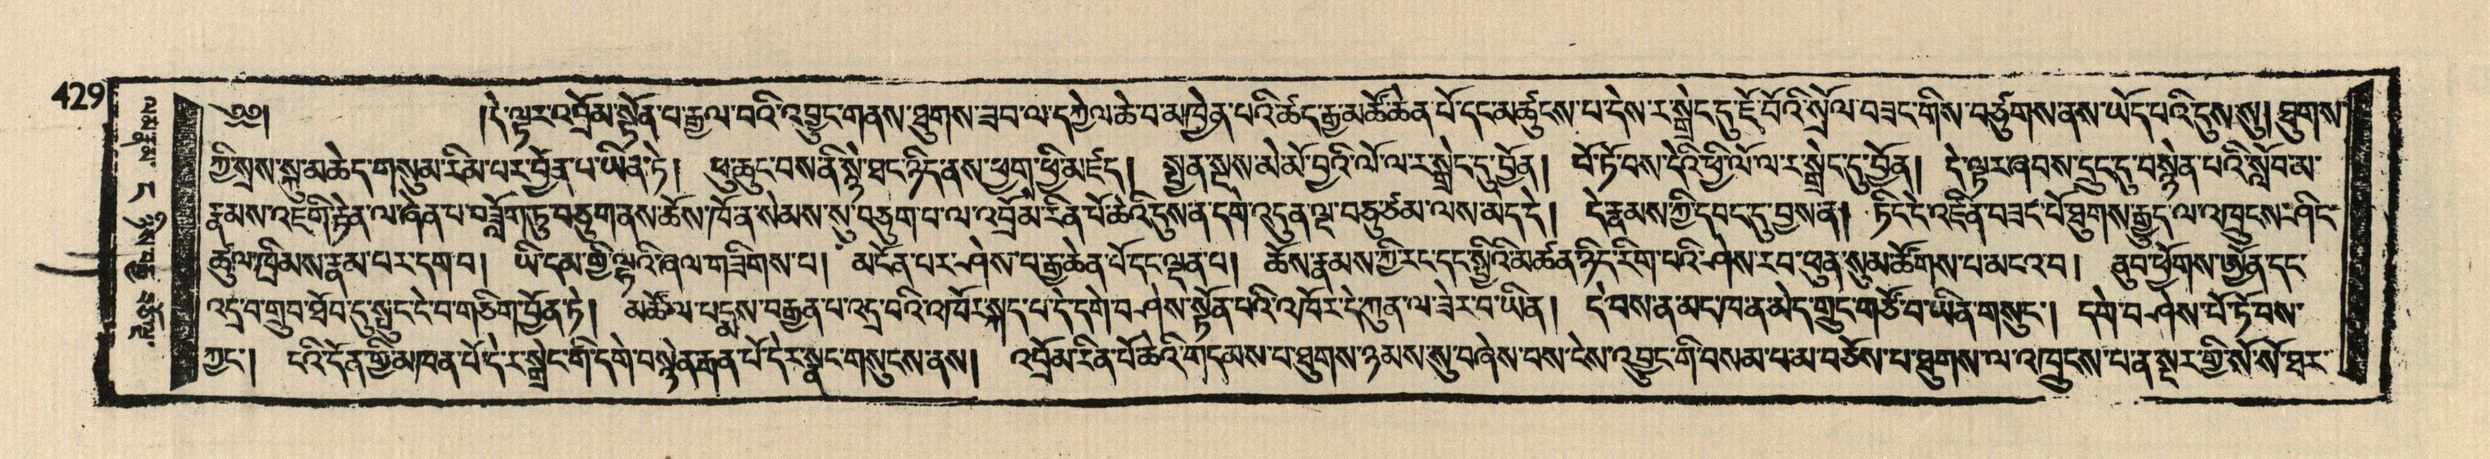༄༅། །དེ་ལྟར་འབྲོམ་སྟོན་པ་རྒྱལ་བའི་འབྱུང་གནས་ཐུགས་ཟབ་ལ་དཀྱེལ་ཆེ་བ་མཁྱེན་པའི་ཚད་རྒྱ་མཚོ་ཆེན་པོ་དང་མཚུངས་པ་དེས་ར་སྒྲེང་དུ་ཇོ་བོའི་སྲོལ་བཟང་གིས་བཙུགས་ནས་ཡོད་པའི་དུས་སུ། ཐུགས་
ཀྱི་སྲས་སྐུ་མཆེད་གསུམ་རིམ་པར་བྱོན་པ་ཡིན་ཏེ། ཕུ་ཆུང་བས་ནི་སྙེ་ཐང་ཉིད་ནས་ཕྱགས་ཕྱི་མཛད། སྤྱན་སྔས་མེ་མོ་བྱའི་ལོ་ལ་ར་སྒྲེང་དུ་བྱོན། བོ་ཏོ་བས་དེའི་ཕྱི་ལོ་ལ་ར་སྒྲེང་དུ་བྱོན། དེ་ལྟར་ཞབས་དྲུང་དུ་བསྙེན་པའི་སློབ་མ་
རྣམས་འཇིག་རྟེན་ལ་ཞེན་པ་བཟློག་ཏུ་བཅུག་ནས་ཆོས་ཁོ་ན་སེམས་སུ་བཅུག་པ་ལ་འབྲོམ་རིན་པོ་ཆེའི་དུས་ན་དགེ་འདུན་ལྔ་བཅུ་ཙམ་ལས་མེད་དེ། དེ་རྣམས་ཀྱི་དབང་དུ་བྱས་ན། ཏིང་ངེ་འཛིན་བཟང་པོ་ཐུགས་རྒྱུད་ལ་འཁྲུངས་ཤིང་
ཚུལ་ཁྲིམས་རྣམ་པར་དག་བ། ཡི་དམ་གྱི་ལྷའི་ཞལ་གཟིགས་པ། མངོན་པར་ཤེས་པ་རྒྱ་ཆེན་པོ་དང་ལྡན་པ། ཆོས་རྣམས་ཀྱི་རང་དང་སྤྱིའི་མཚན་ཉིད་རིག་པའི་ཤེས་རབ་ཕུན་སུམ་ཚོགས་པ་མངའ་བ། ནུབ་ཕྱོགས་ཨཡོན་དང་
འདྲ་བ་གྲུབ་ཐོབ་དུ་སྤུང་དེ་བ་གཅིག་བྱོན་ཏེ། མཚོལ་པདམས་བརྒྱན་པ་འདྲ་བའི་འཁོར་སྐད་པ་དེ་དགེ་བཤེས་སྟོན་པའི་འཁོར་དེ་ཀུན་ལ་ཟེར་བ་ཡིན། དེ་བས་ན་མང་ཁ་ན་མེད་གྲུང་གཙོ་བ་ཡིན་གསུང་། དགེ་བཤེས་པོ་ཏོ་བས་
ཀྱང་། ངའི་དོན་གྱི་མཁན་པོ་དེ་ར་སྒྲེང་གི་དགེ་བསྙེན་རྒན་པོ་དེར་སྣང་གསུངས་ནས། འབྲོམ་རིན་པོ་ཆེའི་གདམས་པ་ཐུགས་ཉམས་སུ་བཞེས་པས་ངེས་འབྱུང་གི་བསམ་པ་མ་བཅོས་པ་ཐུགས་ལ་འཁྲུངས་པ་ན་སྔར་གྱི་སོ་སོ་ཐར་